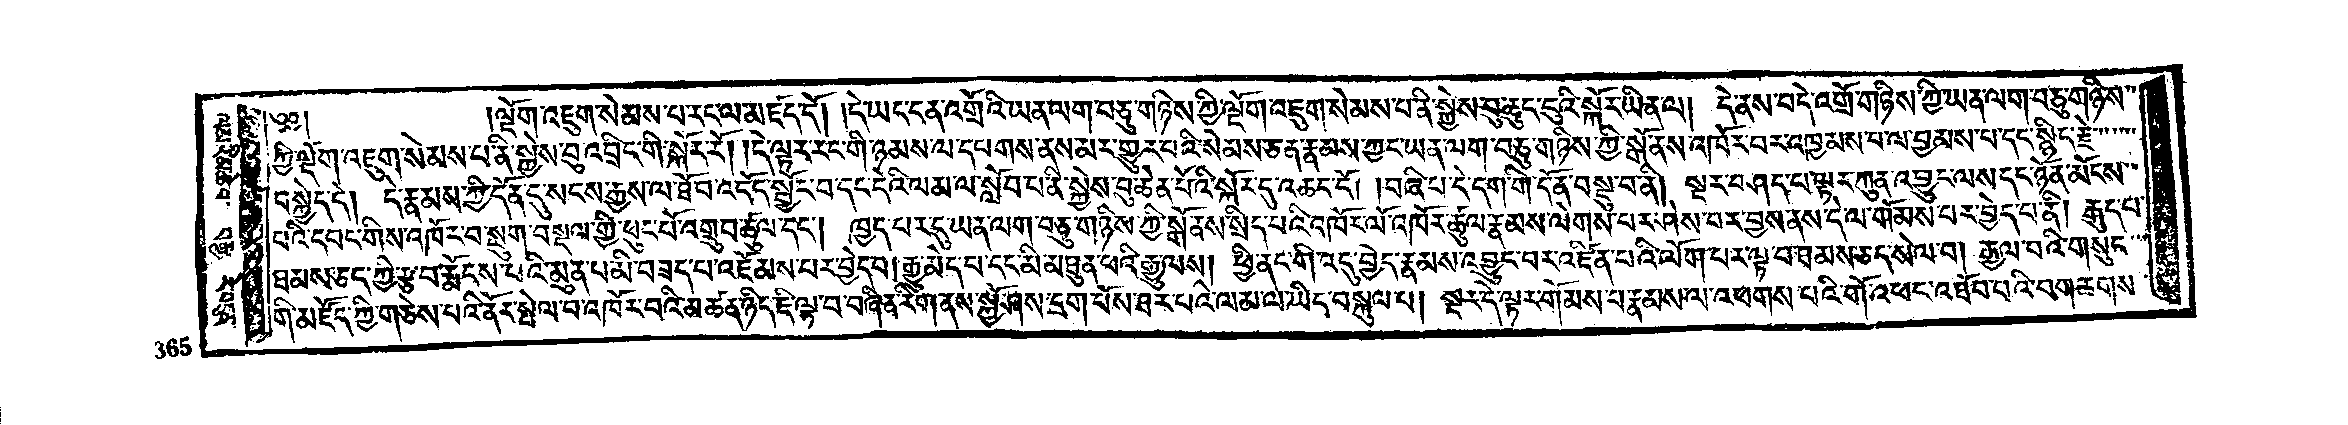༄༅། །ལྡོག་འཇུག་སེམས་པ་རང་ལ་མཛད་དོ། །དེ་ཡང་ངན་འགྲོའི་ཡན་ལག་བཅུ་གཉིས་ཀྱི་ལྡོག་འཇུག་སེམས་པ་ནི་སྐྱེས་བུ་ཆུང་ངུའི་སྐོར་ཡིན་ལ། དེ་ནས་བདེ་འགྲོ་གཉིས་ཀྱི་ཡན་ལག་བཅུ་གཉིས་
ཀྱི་ལྡོག་འཇུག་སེམས་པ་ནི་སྐྱེས་བུ་འབྲིང་གི་སྐོར་རོ། །དེ་ལྟར་རང་གི་ཉམས་ལ་དཔགས་ནས་མར་གྱུར་པའི་སེམས་ཅན་རྣམས་ཀྱང་ཡན་ལག་བཅུ་གཉིས་ཀྱི་སྒོ་ནས་འཁོར་བར་འཁྱམས་པ་ལ་བྱམས་པ་དང་སྙིང་རྗེ་
བསྐྱེད་དེ། དེ་རྣམས་ཀྱི་དོན་དུ་སངས་རྒྱས་ལ་ཐོབ་འདོད་སྦྱོང་བ་དང་དེའི་ལམ་ལ་སློབ་པ་ནི་སྐྱེས་བུ་ཆེན་པོའི་སྐོར་དུ་འཆད་དོ། །བཞི་པ་དེ་དག་གི་དོན་བསྡུ་བ་ནི། སྔར་བཤད་པ་ལྟར་ཀུན་འབྱུང་ལས་དང་ཉོན་མོངས་
པའི་དབང་གིས་འཁོར་བ་སྡུག་བསྔལ་གྱི་ཕུང་པོ་འགྲུབ་ཚུལ་དང་། ཁྱད་པར་དུ་ཡན་ལག་བཅུ་གཉིས་ཀྱི་སྒོ་ནས་སྲིད་པའི་འཁོར་ལོ་འཁོར་ཚུལ་རྣམས་ལེགས་པར་ཤེས་པར་བྱས་ནས་དེ་ལ་གོམས་པར་བྱེད་པ་ནི། རྒུད་པ་
ཐམས་ཅད་ཀྱི་རྩ་བ་རྨོངས་པའི་མུན་པ་མི་བཟད་པ་འཇོམས་པར་བྱེད་པ། རྒྱུ་མེད་པ་དང་མི་མཐུན་པའི་རྒྱུ་ལས། ཕྱི་ནང་གི་འདུ་བྱེད་རྣམས་འབྱུང་བར་འཛིན་པའི་ལོག་པར་ལྟ་བ་ཐམས་ཅད་སེལ་བ། རྒྱལ་བའི་གསུང་
གི་མཛོད་ཀྱི་གཅེས་པའི་ནོར་སྤེལ་བ་འཁོར་བའི་མཚན་ཉིད་ཇི་ལྟ་བ་བཞིན་རིག་ནས་སྐྱོ་ཤས་དྲག་པོས་ཐར་པའི་ལམ་ལ་ཡིད་བསྐུལ་བ། སྔར་དེ་ལྟར་གོམས་པ་རྣམས་ལ་འཕགས་པའི་གོ་འཕང་འཐོབ་པའི་བག་ཆགས་